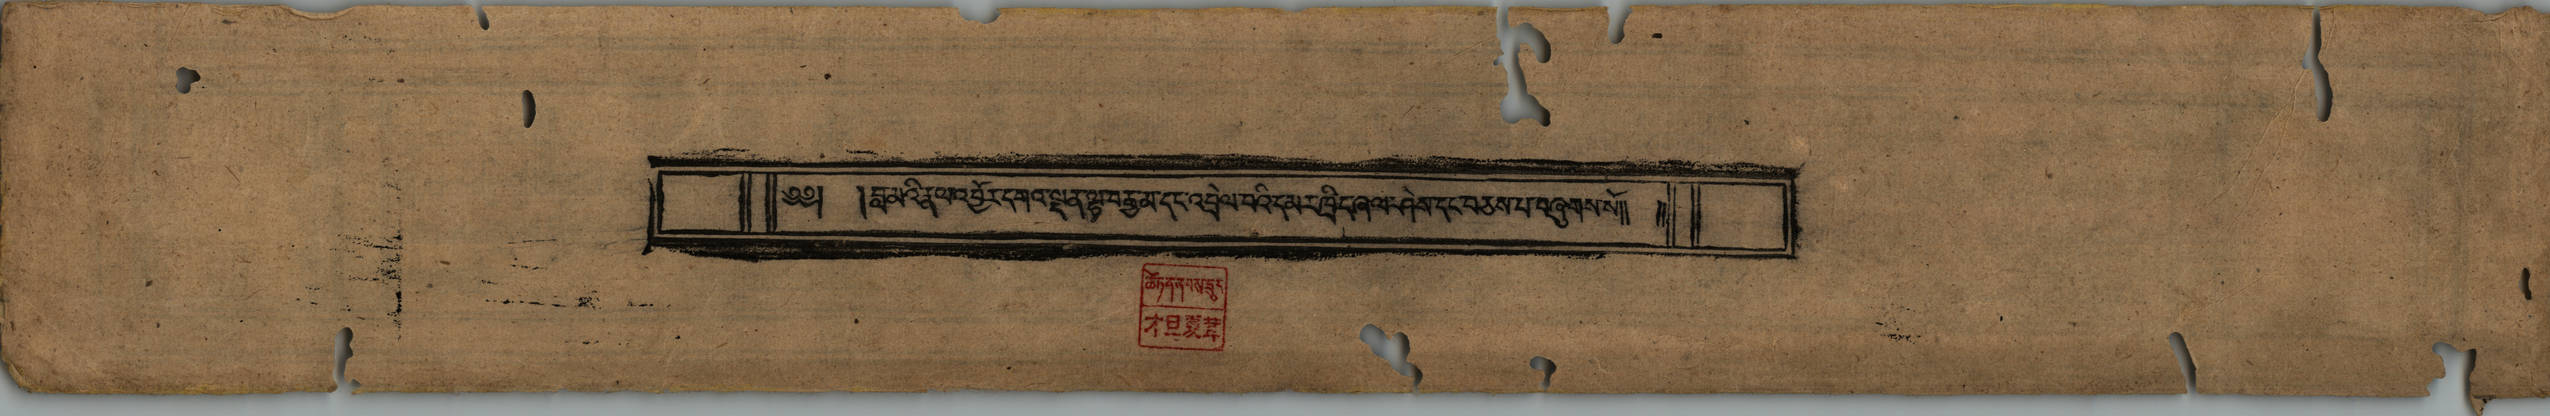༄༅། །བླ་མའི་རྣལ་འབྱོར་དགའ་ལྡན་ལྷ་བརྒྱ་མ་དང་འབྲེལ་བའི་དམར་ཁྲིད་ཞལ་ཤེས་དང་བཅས་པ་བཞུགས་སོ།། །།